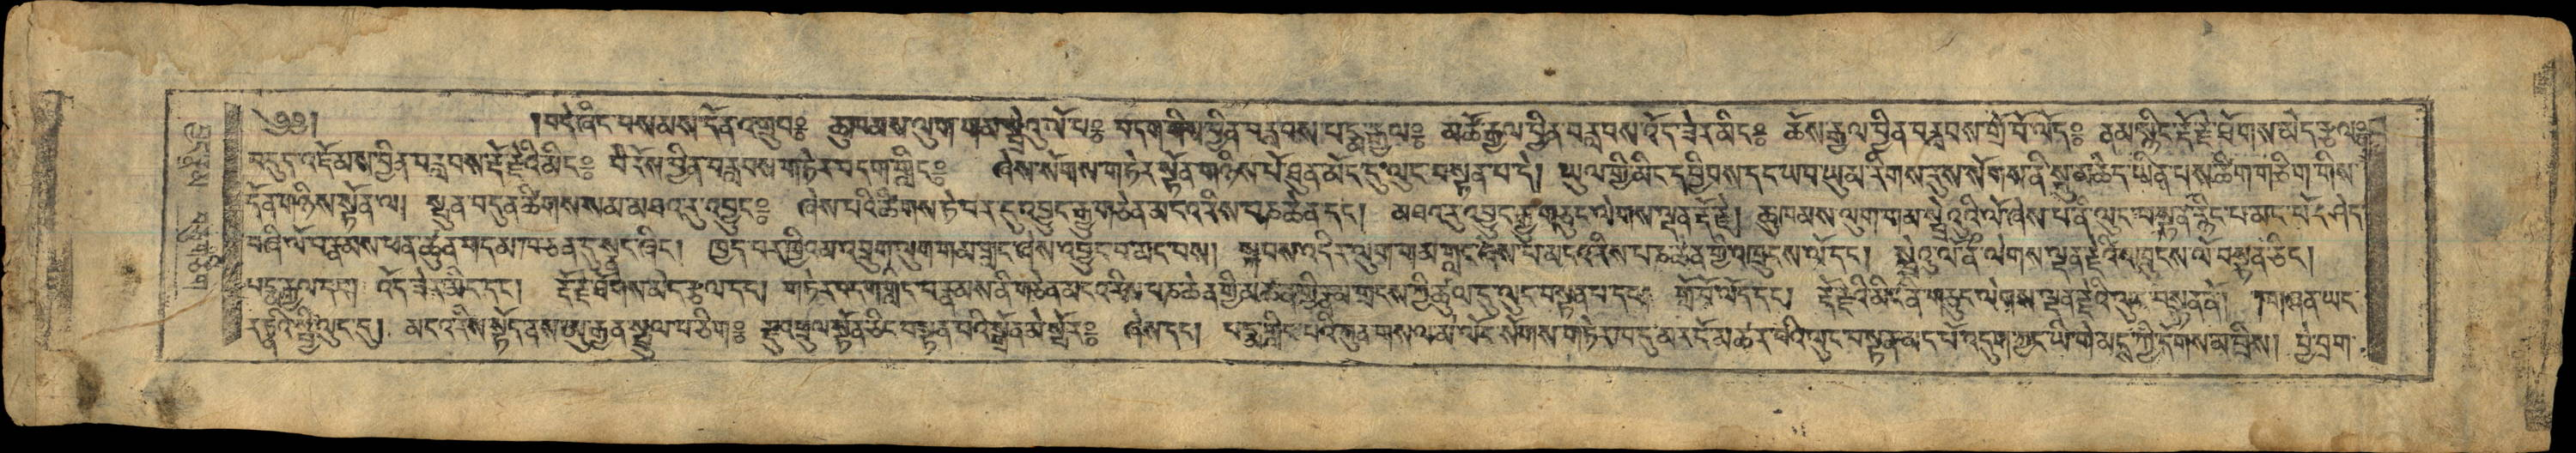༄༅། །བདེ་ཞིང་བསམས་དོན་འགྲུབཿ་ཆུ་ཁམས་ལུག་གམ་སྤྲེའུ་ལོ་པཿ་བདག་གིས་བྱིན་བརླབས་པདམ་རྒྱལཿ་མཚོ་རྒྱལ་བྱིན་བརླབས་འོད་ཟེར་མིངཿ་ཆོས་རྒྱལ་བྱིན་བརླབས་གྲོ་བོ་ལོདཿ་ནམ་སྙིང་རྡོ་རྗེ་ཐོགས་མེད་རྩལཿ
བདུད་འཇོམས་བྱིན་བརླབས་རྡོ་རྗེའི་མིངཿ་བཻ་རོས་བྱིན་བརླབས་གཏེར་བདག་གླིངཿ་ཞེས་སོགས་གཏེར་སྟོན་གཉིས་པོ་ཐུན་མོང་དུ་ལུང་བསྟན་པ་དེ། ཡུལ་གྱི་མིང་དབྱིབས་དང་ཡབ་ཡུམ་རིགས་རུས་སོགས་ནི་སྐུ་མཆེད་ཡིན་པས་ཚིག་གཅིག་གིས་
དོན་གཉིས་སྟོན་ལ། སྤུན་བདུན་ཚིགས་སམ་མཐའ་རུ་འབྱུངཿ་ཞེས་པའི་ཆིགས་ཏེ་བར་དུ་འབྱུང་རྒྱུ་གཅེན་མངའ་རིས་པཎ་ཆེན་དང་། མཐའ་རུ་འབྱུང་རྒྱུ་གཅུང་ལེགས་ལྡན་རྡོ་རྗེ། ཆུ་ཁམས་ལུག་གམ་སྤྲེའུ་ལོ་ཞེས་པ་ནི་ལུང་བསྟན་རྙིང་པ་མང་པོར་ཤེད་
བཞི་ལོ་པ་རྣམས་ཕན་ཚུན་དམ་ཁ་ཅན་དུ་སྣང་ཞིང་། ཁྱད་པར་ཁྱིའམ་འབྲུག་ལུག་གམ་གླང་ཞེས་འབྱུང་བ་མང་པས། སྐབས་འདིར་ལུག་གམ་གླང་ཞེས་པ་མངའ་རིས་པཎ་ཆེན་གྱི་འཁྲུངས་ལོ་དང་། སྤྲེའུ་ལོ་ནྀ་ལེགས་ལྡན་རྗེའི་འཁྲུངས་ལོ་བསྟན་ཅེང་།
པདམ་རྒྱལ་དང་། འོད་ཟེར་མིང་དང་། རྡོ་རྗེ་ཐོགས་མེད་རྩལ་དང་། གཏེར་བདག་གླིང་པ་རྣམས་ནི་གཅེན་མངའ་རིས་པཎ་ཆེན་གྱི་མཚན་གྱི་རྣམ་གྲངས་ཀྱི་ཚུལ་དུ་ལུང་བསྟན་པ་དང་། གྲོ་བོ་ལོད་དང་། རྡོ་རྗེའི་མིང་ནི་གཅུང་ལེགས་ལྡན་རྗེའི་ལུང་བསྟན་ནོ། །གཞན་ཡང་
རཏྣའི་སྤྱི་ལུང་དུ། མངའ་རིས་སྟོད་ནས་ཨུ་རྒྱན་སྤྲུལ་པ་ཅིགཿ་རྫུ་འཕྲུལ་སྟོན་ཅིང་བསྟན་པའི་སྒྲོན་མེ་སྤོརཿ་ཞེས་དང་། པདམ་གླིང་པའི་ཀུན་གསལ་མེ་ལོང་སོགས་གཏེར་ཁ་དུ་མར་ངོ་མཚར་བའི་ལུང་བསྟན་མང་པོ་འདུག་ཀྱང་ཡི་གེ་མངས་ཀྱི་དོགས་མ་བྲིས། བྱེ་བྲག་